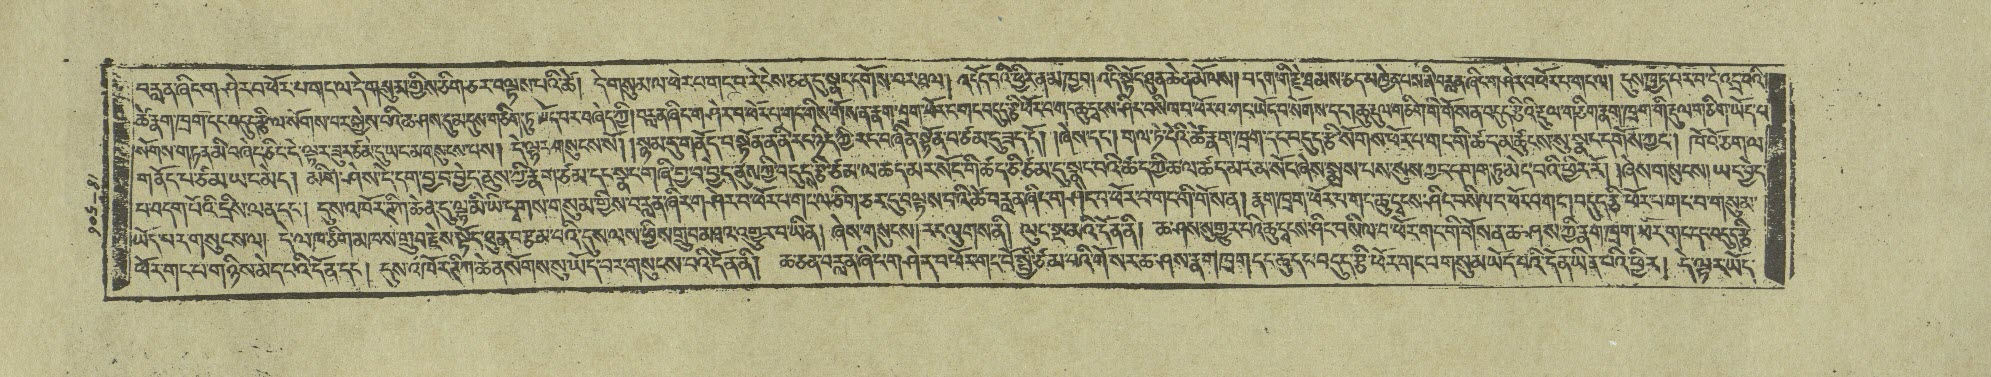བརླན་ཞིང་གཤེར་པ་ཕོར་པ་གང་ལ་དེ་གསུམ་གྱིས་ཅིག་ཅར་བལྟས་པའི་ཚེ། དེ་གསུམ་ལ་ཕེར་པ་གང་བ་རེ་ངེས་ཅན་དུ་སྣང་དགོས་པར་ཐལ། འདོད་པའི་ཕྱིར་ན་མ་ཁྱབ། འདི་སྟོང་ཐུན་ཆེན་མོ་ལས། བདག་གི་རྗེ་ཐམས་ཅད་མཁྱེན་པས་ནི་བརླན་ཞིང་གཤེར་བ་ཕོར་པ་གང་ལ། དུས་ཁྱད་པར་བ་དེ་འདྲ་བའི་
ཚེ་རྣག་ཁྲག་དང་བདུད་རྩི་ལ་སོགས་པར་སྐྱེས་པའི་ཆ་ཤས་དུ་མ་དུས་གཅིག་ཏུ་ཡོད་པར་བཞེད་ཀྱི། བརླན་ཞིང་གཤེར་པ་ཕོར་པ་གང་གིས་གོས་ན་རྣག་ཁྲག་ཕོར་པ་གང་བདུད་རྩི་ཕོར་པ་གང་ཆུ་དྭངས་ཤིང་བསིལ་བ་ཕོར་པ་གང་ཡོད་པ་སོགས་དང་། ཆུ་རྡུལ་གཅིག་གི་གོ་ས་ན་བདུད་རྩིའི་རྡུལ་གཅིག་རྣག་ཁྲག་གི་རྡུལ་གཅིག་ཡོད་པ་
སོགས་གཏན་མི་བཞེད་ཅིང་དེ་ལྟར་ཟུར་ཙམ་དུ་ཡང་མ་གསུངས་པས། དེ་ལྟར་གསུངས་སོ། །སྙམ་དུ་གནོད་པ་སྟོན་ན་ནི་རང་ཉིད་ཀྱི་རང་བཞིན་སྟོན་པ་ཙམ་དུ་ཟད་དོ། །ཞེས་དང་། གལ་ཏེ་དེའི་ཚེ་རྣག་ཁྲག་དང་བདུད་རྩི་སོགས་ཕོར་པ་གང་གི་ཚད་མཚུངས་སུ་སྣང་དགོས་ཀྱང་། ཁོ་བོ་ཅག་ལ་
གནོད་པ་ཙམ་ཡང་མེད། མིག་ཤེས་དེ་དག་བྱ་བ་བྱེད་ནུས་ཀྱི་རྣག་ཙམ་དང་སྣང་གཞི་བྱ་བ་བྱེད་ནུས་ཀྱི་བདུད་རྩི་ཙམ་ལ་ཚད་མར་སོང་གི་ཚད་ཅི་ཙམ་དུ་སྣང་བའི་ཚད་ཀྱི་ཆ་ལ་ཚད་མར་མ་སོང་ཞེས་སྨྲས་པས་སུས་ཀྱང་དགག་ཏུ་མེད་པའི་ཕྱིར་རོ། །ཞེས་གསུངས། ཡང་བྱེད་
པ་བདག་པོའི་དྲིས་ལན་དང་། དུས་འཁོར་ཊིཀ་ཆེན་དུ་ལྷ་མི་ཡི་དྭགས་གསུམ་གྱིས་བརླན་ཞིར་གཤེར་བ་ཕོར་པ་གང་ལ་ཅིག་ཅར་དུ་བལྟས་པའི་ཚེ་བརླན་ཞིང་གཤེར་པ་ཕོར་པ་གང་གི་གོས་ན། རྣག་ཁྲག་ཕོར་པ་གང་ཆུ་དྭངས་ཤིང་བསིལ་བ་ཕོར་པ་གང་། བདུད་རྩི་ཕོར་པ་གང་བ་གསུམ་
ཡོད་པར་གསུངས་ལ། དེ་ལ་ཁ་ཅིག་མཁས་གྲུབ་རྗེས་སྟོང་ཐུན་བརྩམ་པའི་དུས་ལས་ཕྱིས་གྲུབ་མཐའ་འགྱུར་བ་ཡིན། ཞེས་གསུངས། རང་ལུགས་ནི། ལུང་སྔ་མའི་དོན་ནི། ཆ་ཤས་སུ་གྱུར་པའི་ཆུ་དྭངས་ཤིང་བསིལ་བ་ཕོར་གང་གི་གོ་ས་ན་ཆ་ཤས་ཀྱི་རྣག་ཁྲག་ཕོར་གང་དང་བདུད་རྩི་
ཕོར་གང་པ་གཉིས་མེད་པའི་དོན་དང་། དུས་འཁོར་ཊིཀ་ཆེན་སོགས་སུ་ཡོད་པར་གསུངས་པའི་དོན་ནི། ཆ་ཅན་བརླན་ཞིང་གཤེར་པ་ཕོར་གང་པོ་སྤྱི་ཙམ་པའི་གོ་སར་ཆ་ཤས་རྣག་ཁྲག་དང་ཆུ་དང་བདུད་རྩི་ཕོར་གང་པ་གསུམ་ཡོད་པའི་དོན་ཡིན་པའི་ཕྱིར། དེ་ལྟར་ཡོད་